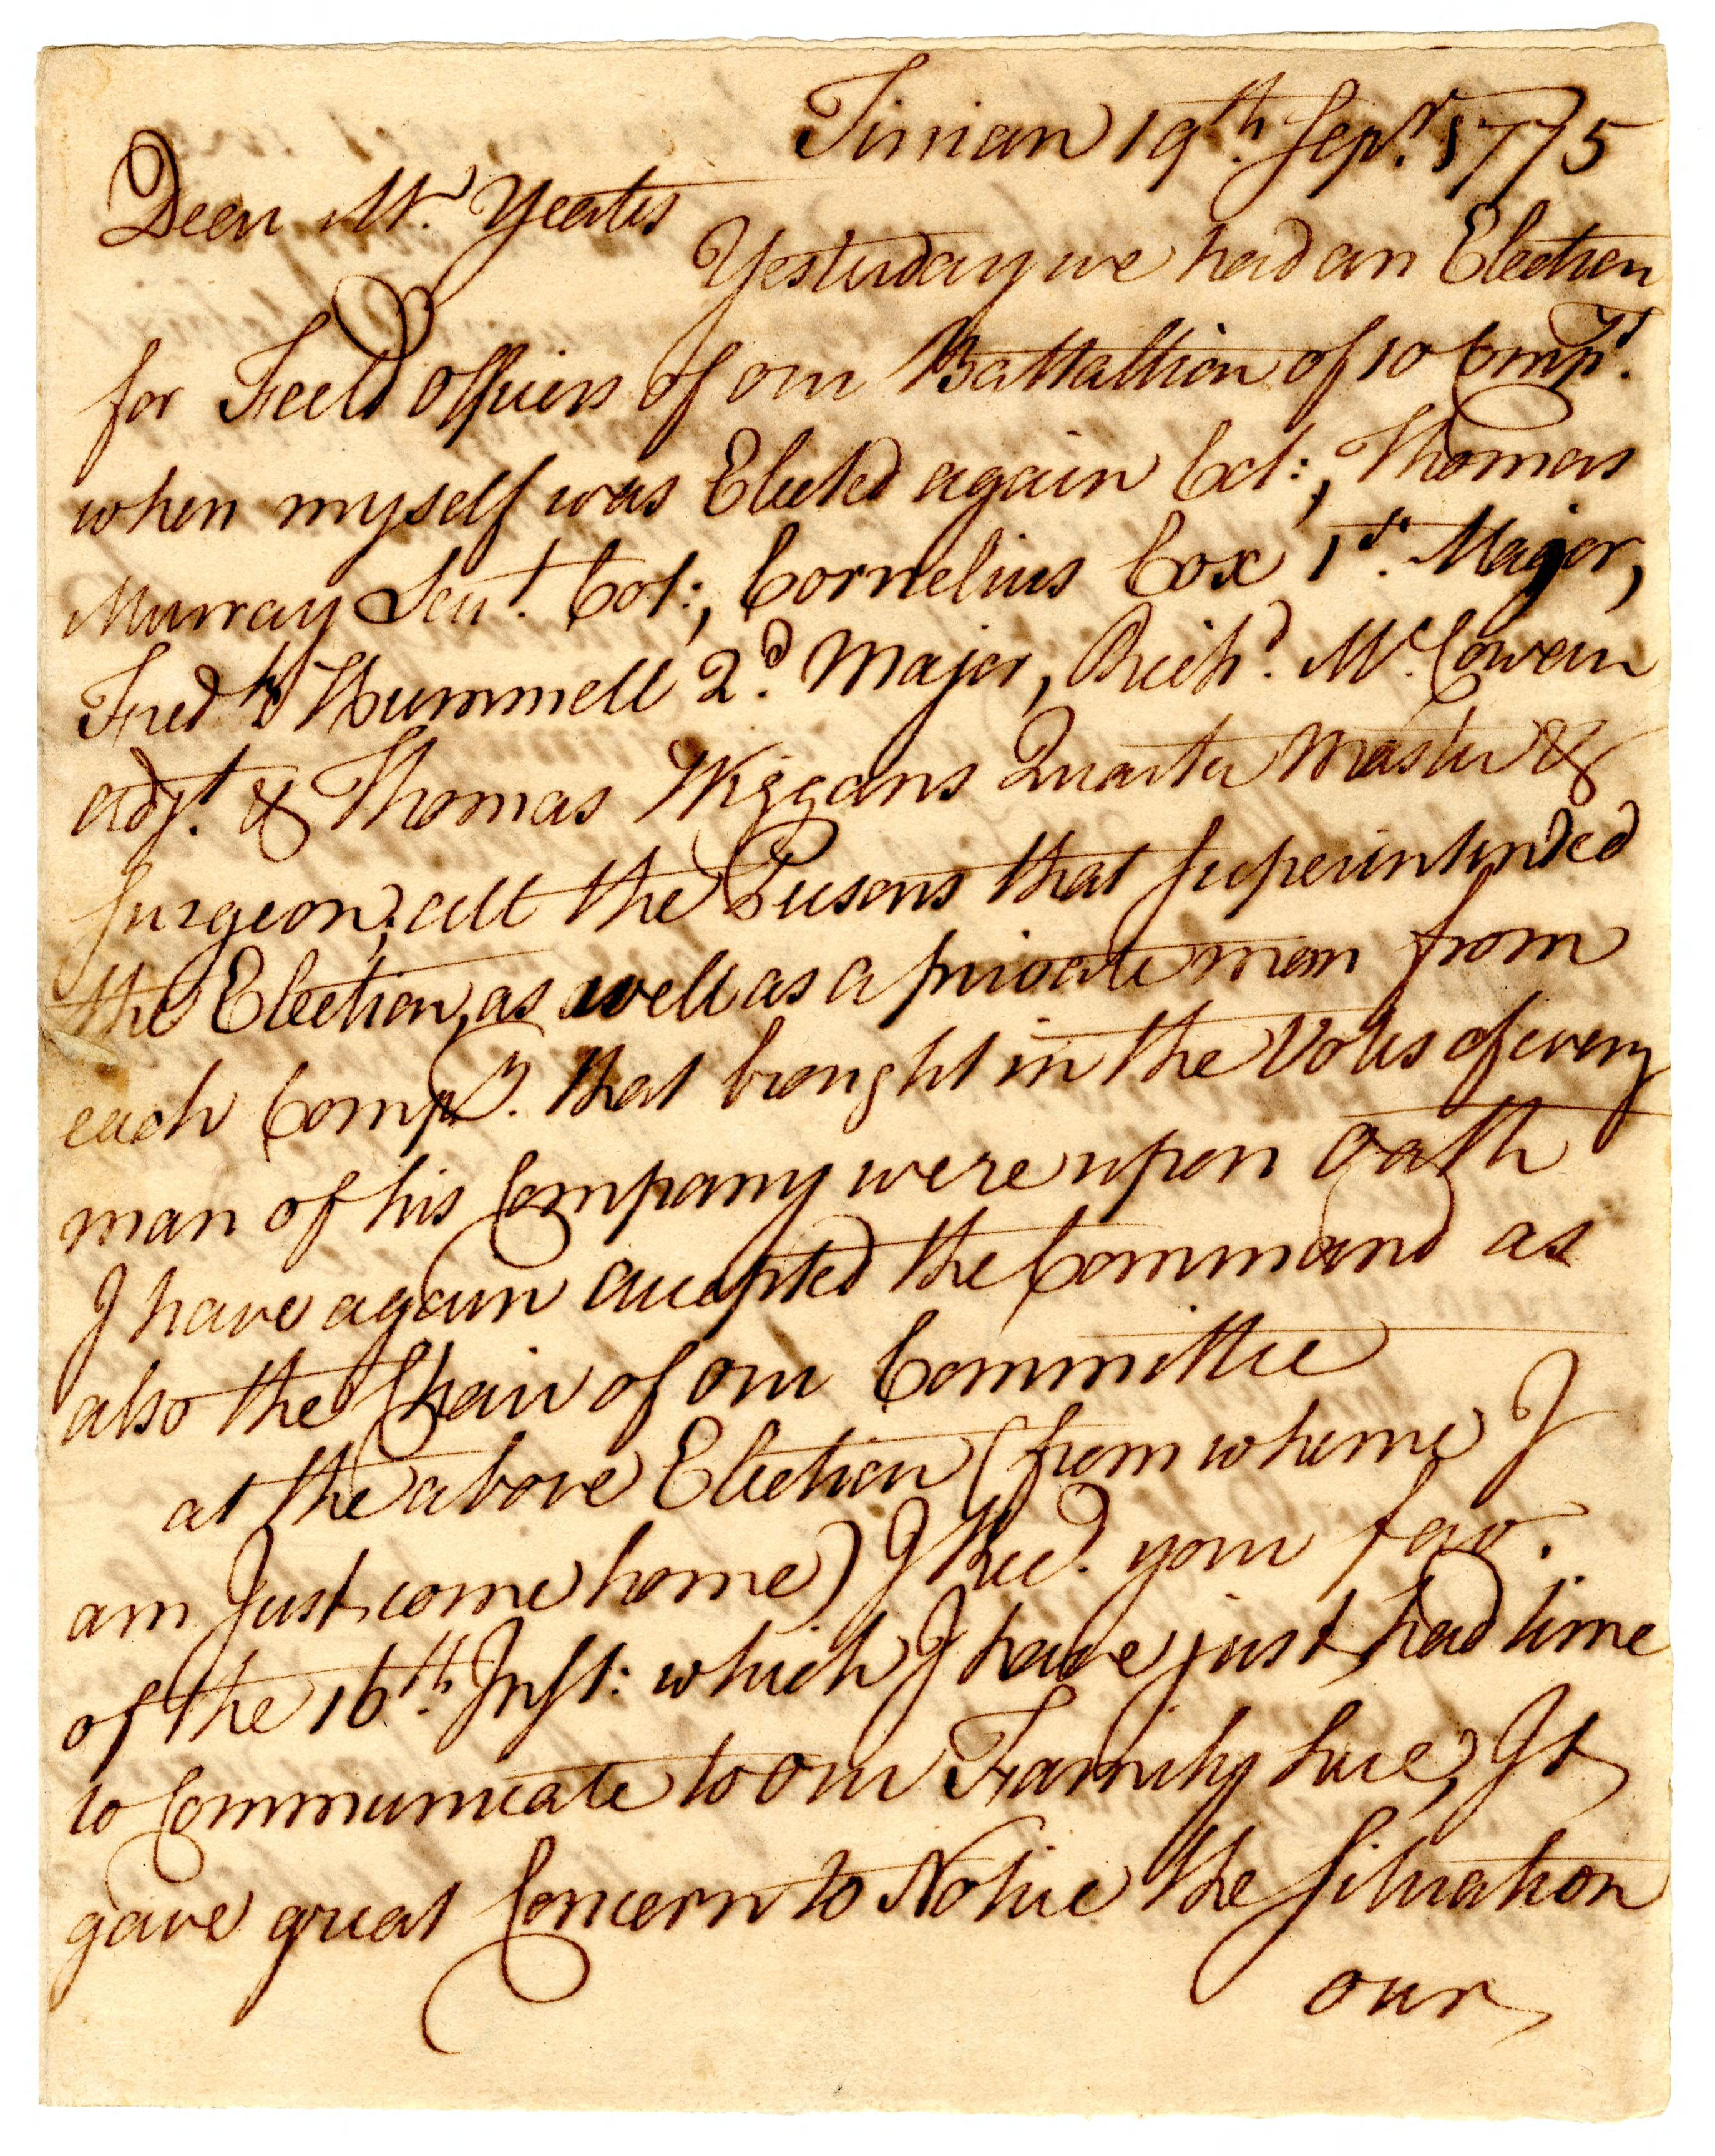Tinian 19^th. Sep^r. 1775
Dear M^r. Yeates
Yesterday we had an Election
for Field Officers of our Battalion of 10 Comp^y.
when myself was Elected again Col: Thomas
Murray Leu^t. Col: Cornelius Cox 1^st Major,
Fred^k Hummell 2^d. Major, Rich^d. M^cCowein
Adj^t. & Thomas Wiggans Quarter Master &
Surgeon; all the Persons that superintended
the Election, as well as a private man from
each Comp^y. that brought in the Votes of every
man of his Company were upon Oath
I have again accepted the Command as
also the Chain of our Committee
At the above Election (from whence I
am Just come home) I Rec^d. your fav.
of the 16^th. Inst: which I have just had time
to Communicate to our Family sure It
gave great Concern to Notice the Situation
our